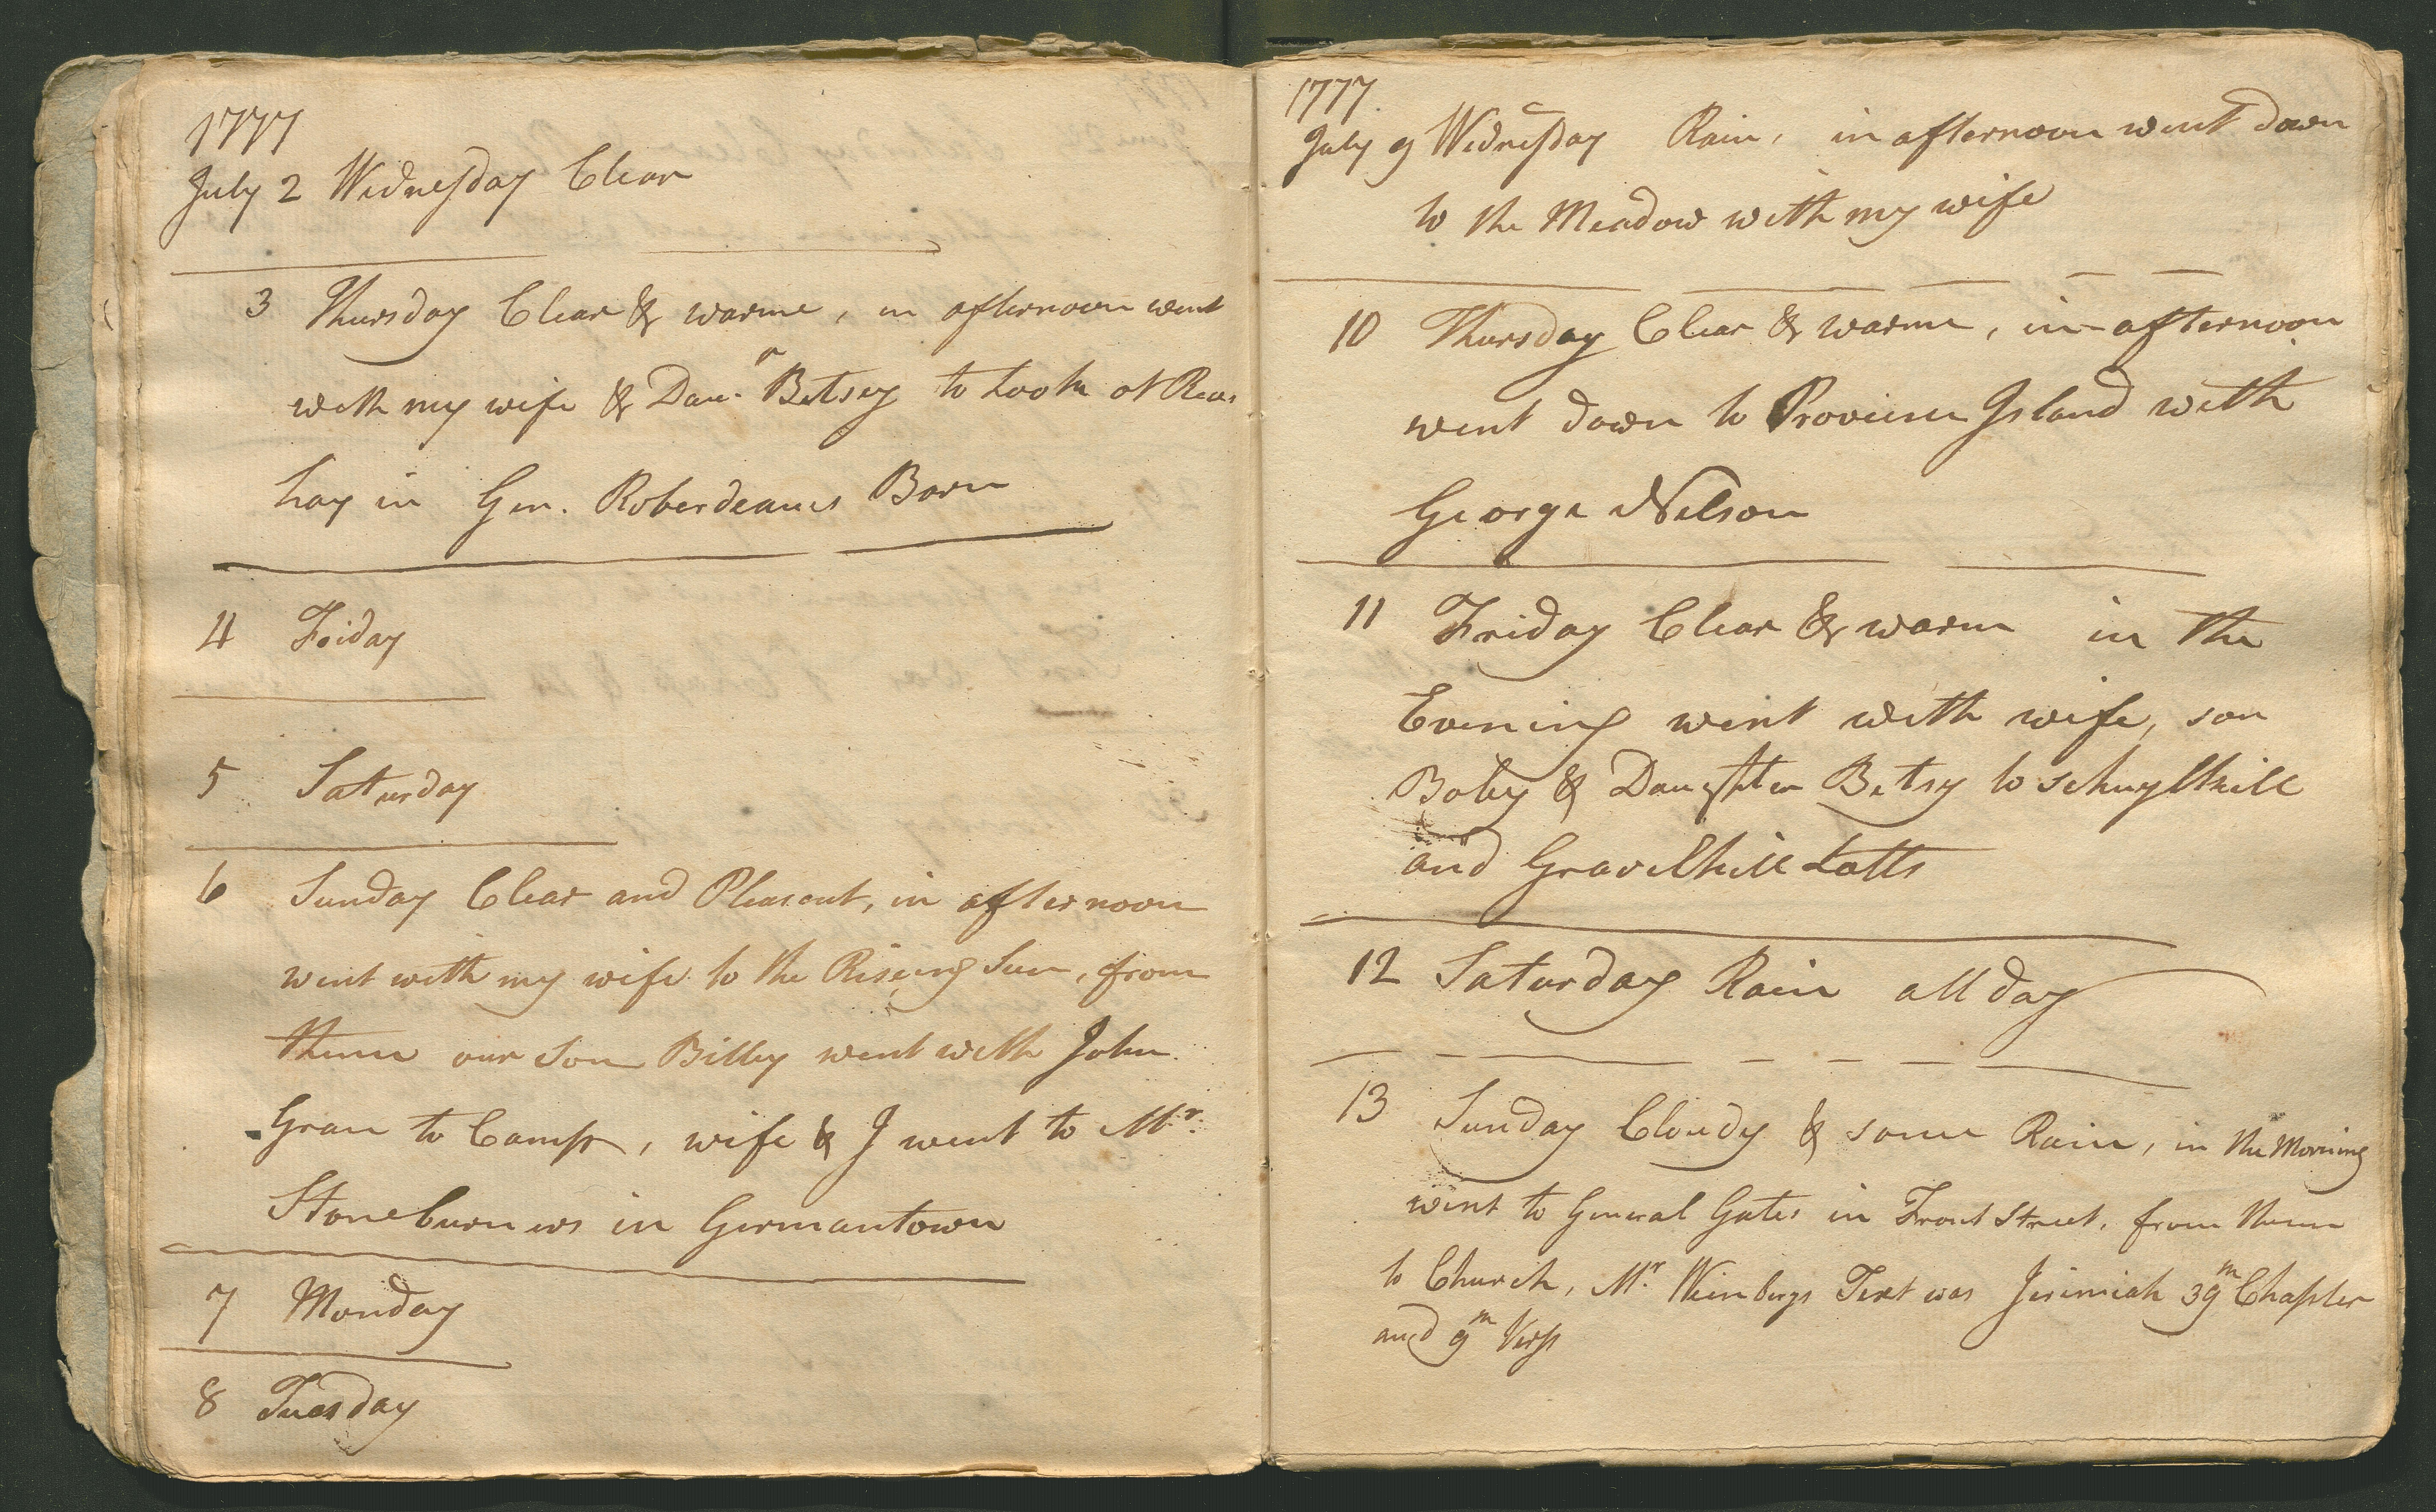1777
July 2 Wednesday Clear
3 Thursday Clear & warme, in afternoon went
with my wife & Dau^r. Betsey to Look ot Reas
hay in Genl. Roberdeams Barn
4 Friday
5 Saturday
6 Sunday Clear and Pleasent, in after noon
went with my wife to the Riseing Sun, from
thence our Son Billey went with John
Grau to Camp, wife & I went to M^r.
Stoneburners in Germantown
7 Monday
8 Tuasday
1777
July 9 Wednesday Rain, in afternoon went down
to the Meadow with my wife
10 Thursday Clear & warme, in afternoon
went down to Provinnce Island with
George Nelson
11 Friday Clear & warm in the
Evening went with wife, son
Bobey & Daughter Betsy to schuylkill
and Gravelhill Lotts
12 Saturday Rain all day
13 Sunday Cloudy & some Rain, in the Morning
went to General Gates in Front Street, from thence
to Church, M^r. Weinburgs Text was Jerimiah 39^th. Chapter
and 9^th Verss